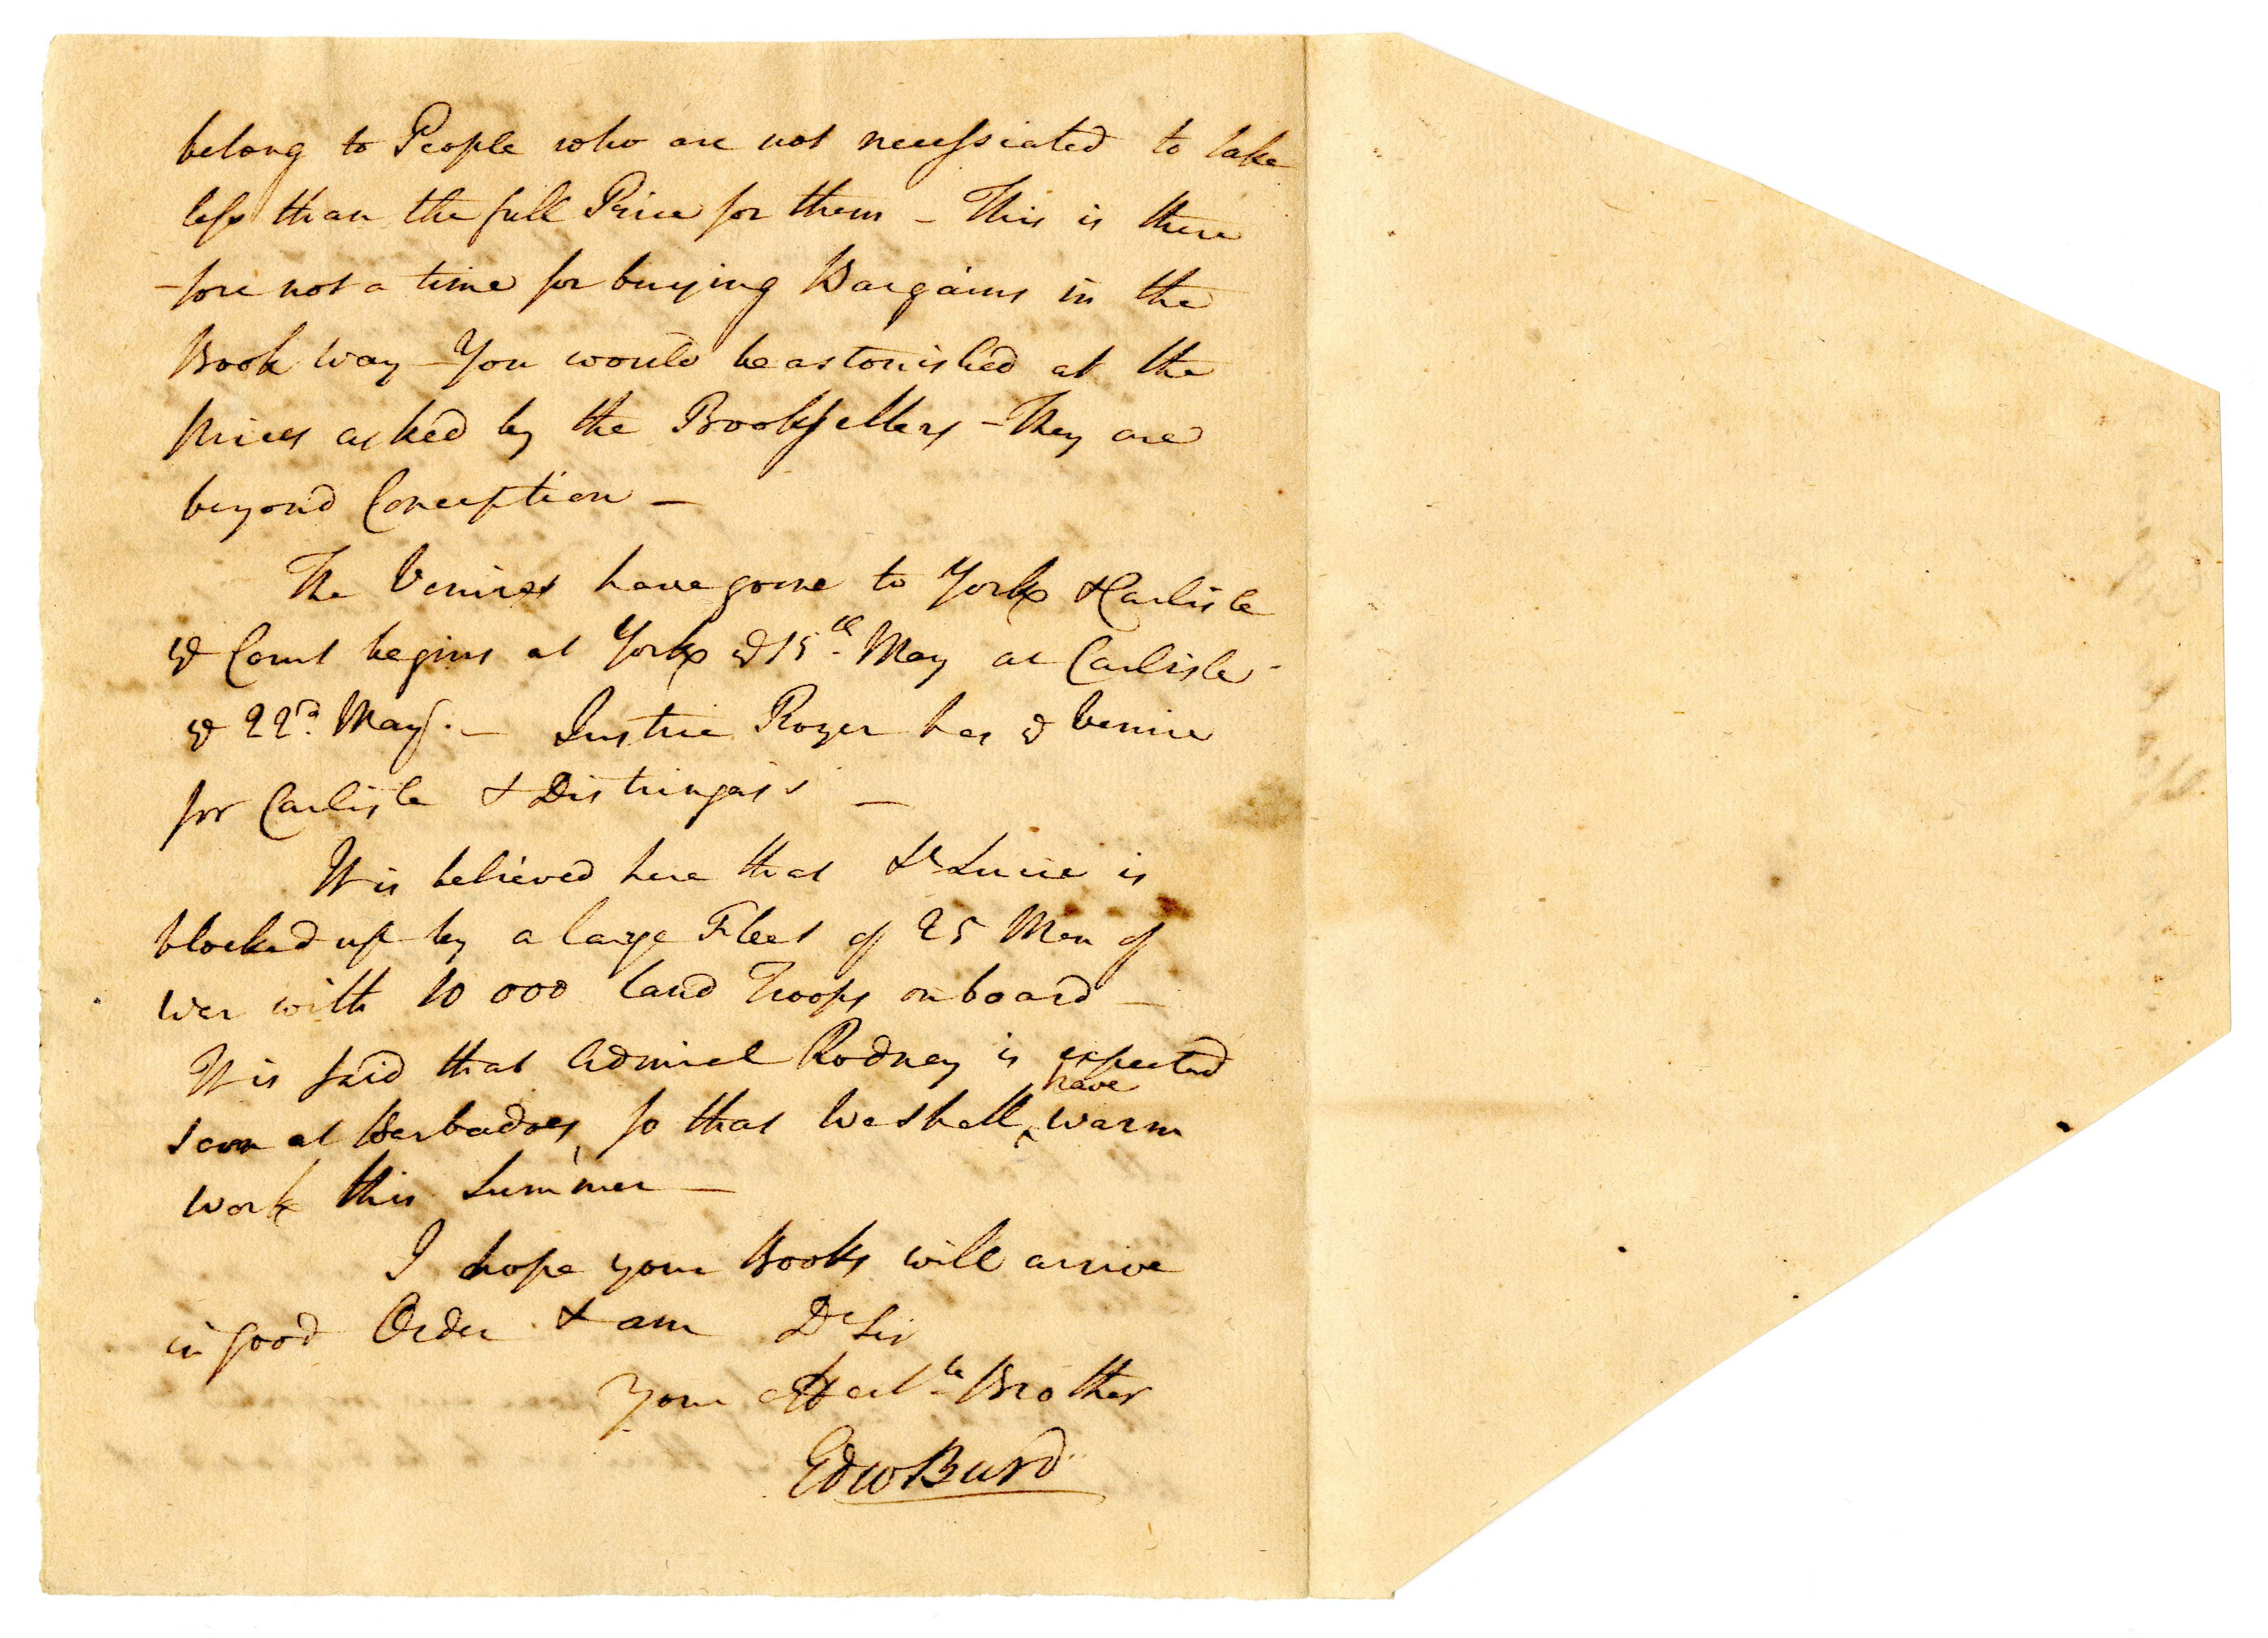belong to People who are not necessiated to take
less than the full Price for them. This is there-
-fore not a time for buying Bargains in the
Book way. You would be astonished at the
prices as had by the Booksellers. They are
beyond Conception.
The Venises have gone to York & Carlisle
y^e Court begins at York y^e 15^th May at Carlisle
y^e 22^d. May. Justice Royer has y^e Venie
for Carlisle & Distingas's
It is believed here that S^t Lucia is
blocked up by a large Fleet of 25 Men of
War with 10 000 land troops onboard
It is said that Admiral Rodney is expected
have
soon at Barbadoes, so that we shall ^ warm
work this summer
I hope your books will arrive
in good Order & am D^r Sir
Your affect^e Brother
Edw. Burd